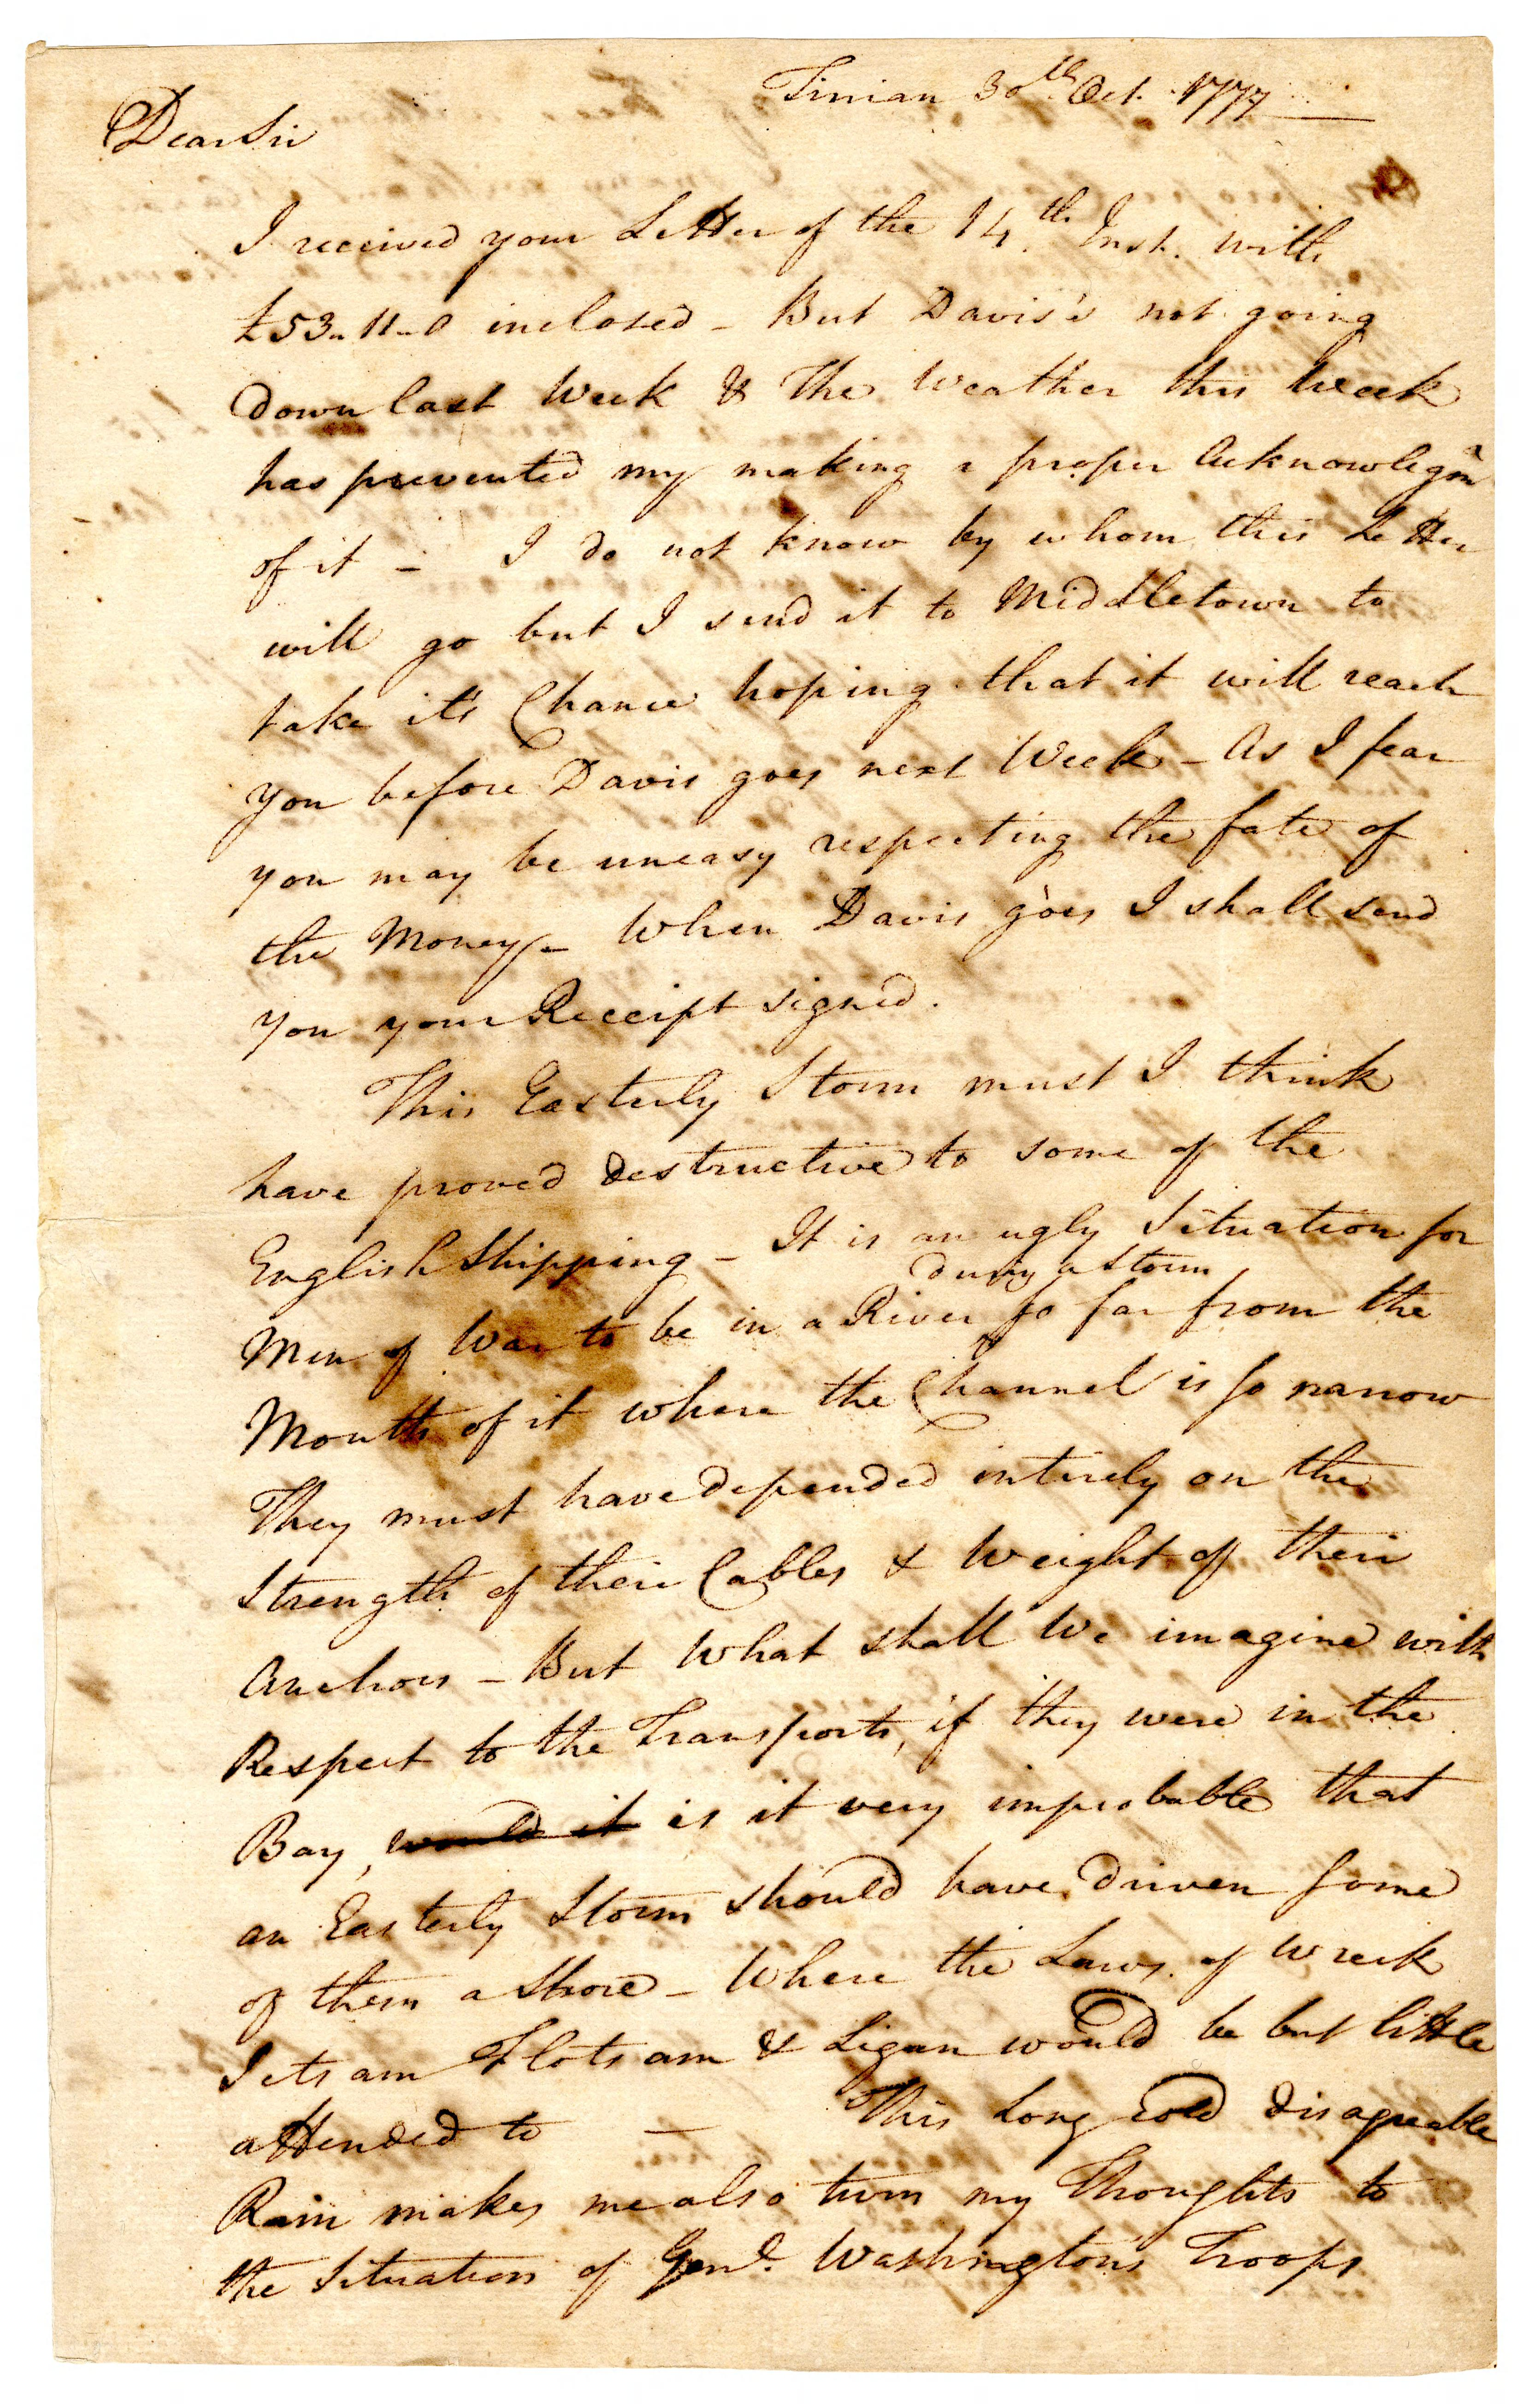Tinian 30^th Oct. 1777
Dear Sir
I received your Letter of the 14^th Inst. with
£53.11.0 inclosed- But Davis's not going
down last week & the weather this week
has prevented my making a proper Acknowlegm
of it. I do not know by whom this Letter
will go but I send it to Middletown to
take its Chance hoping that it will reach
you before Davis goes next Week. As I fear
you may be uneasy respecting the fate of
the Money- When Davis goes I shall send
you your Receipt signed.
This Easterly Storm must I think
have proved destructive to some of the
English Shipping- It is an ugly Situation for
during a Storm
Men of War to be in a River ^ so far from the
Mouth of it where the Channel is so narrow
They must have depended intirely on the
Strength of their Cables & Weight of their
Anchors- But what shall we imagine with
Respect to the Transports, if they were in the
Bay, would it is it very improbable that
an Easterly Storm should have driven some
of them a Shore- Where the Laws of wreck
Jetsam Flotsam & Ligan would be but little
attended to
This long cold disagreeable
Rain makes me also turn my Thoughts to
the Situation of Gn^l. Washingtons Troops